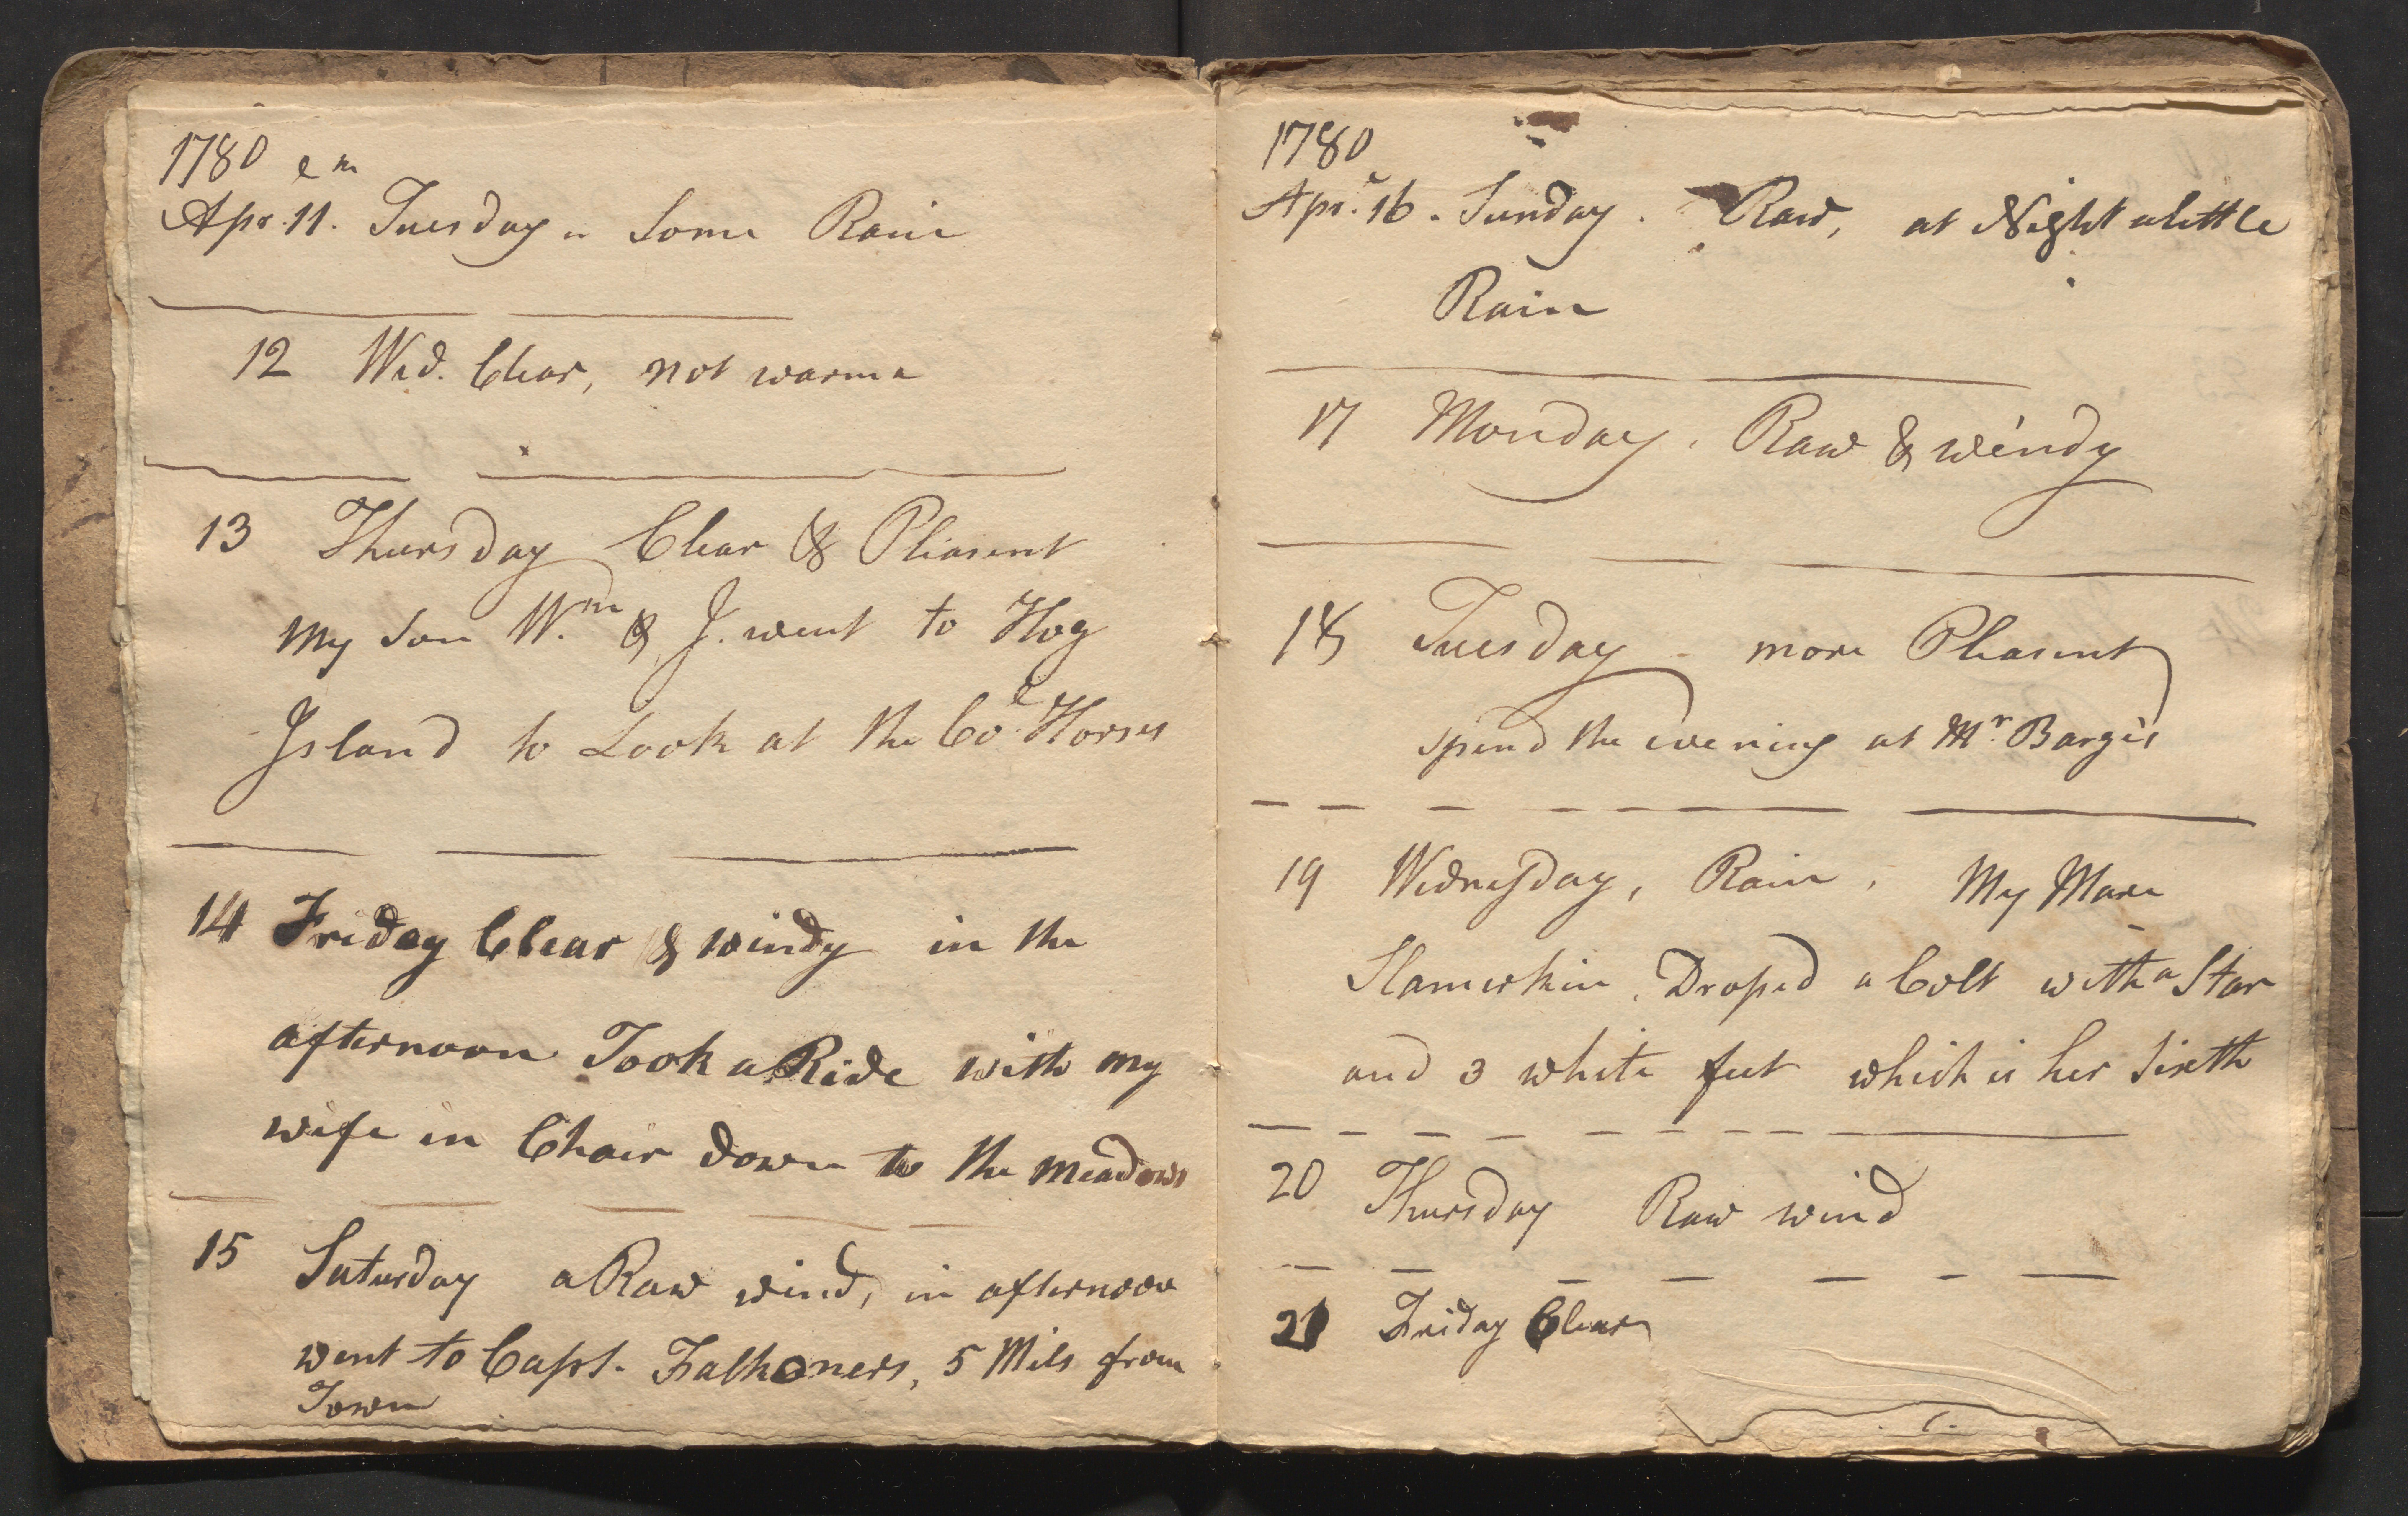1780
Apr^l. 11th. Tuesday. Some Rain
12 Wed. Clear, not warme
13 Thursday Clear & Pleasent
My son W^m. & J. went to Hog
Island to Look at the Co^l. Horses
14 Friday Clear & Windy in the
wife in Chair down to the meadows
15 Saturday a Raw wind, in afternoon
went to Capt. Falkoners 5 Mils from
Town
1780
Apr^l. 16h. Sunday. Raw, at Night a little
Rain
17 Monday. Raw & windy
18 Tuesday- more Pleasent
spend the evening at M^r. Barge's
19 Wednesday, Rain, My Mare
Slamerkin. Droped a Colt with a Star
20 Thursday Raw wind
21 Friday Clear
afternoon Took a Ride with my
and 3 white feet which is her Sixth